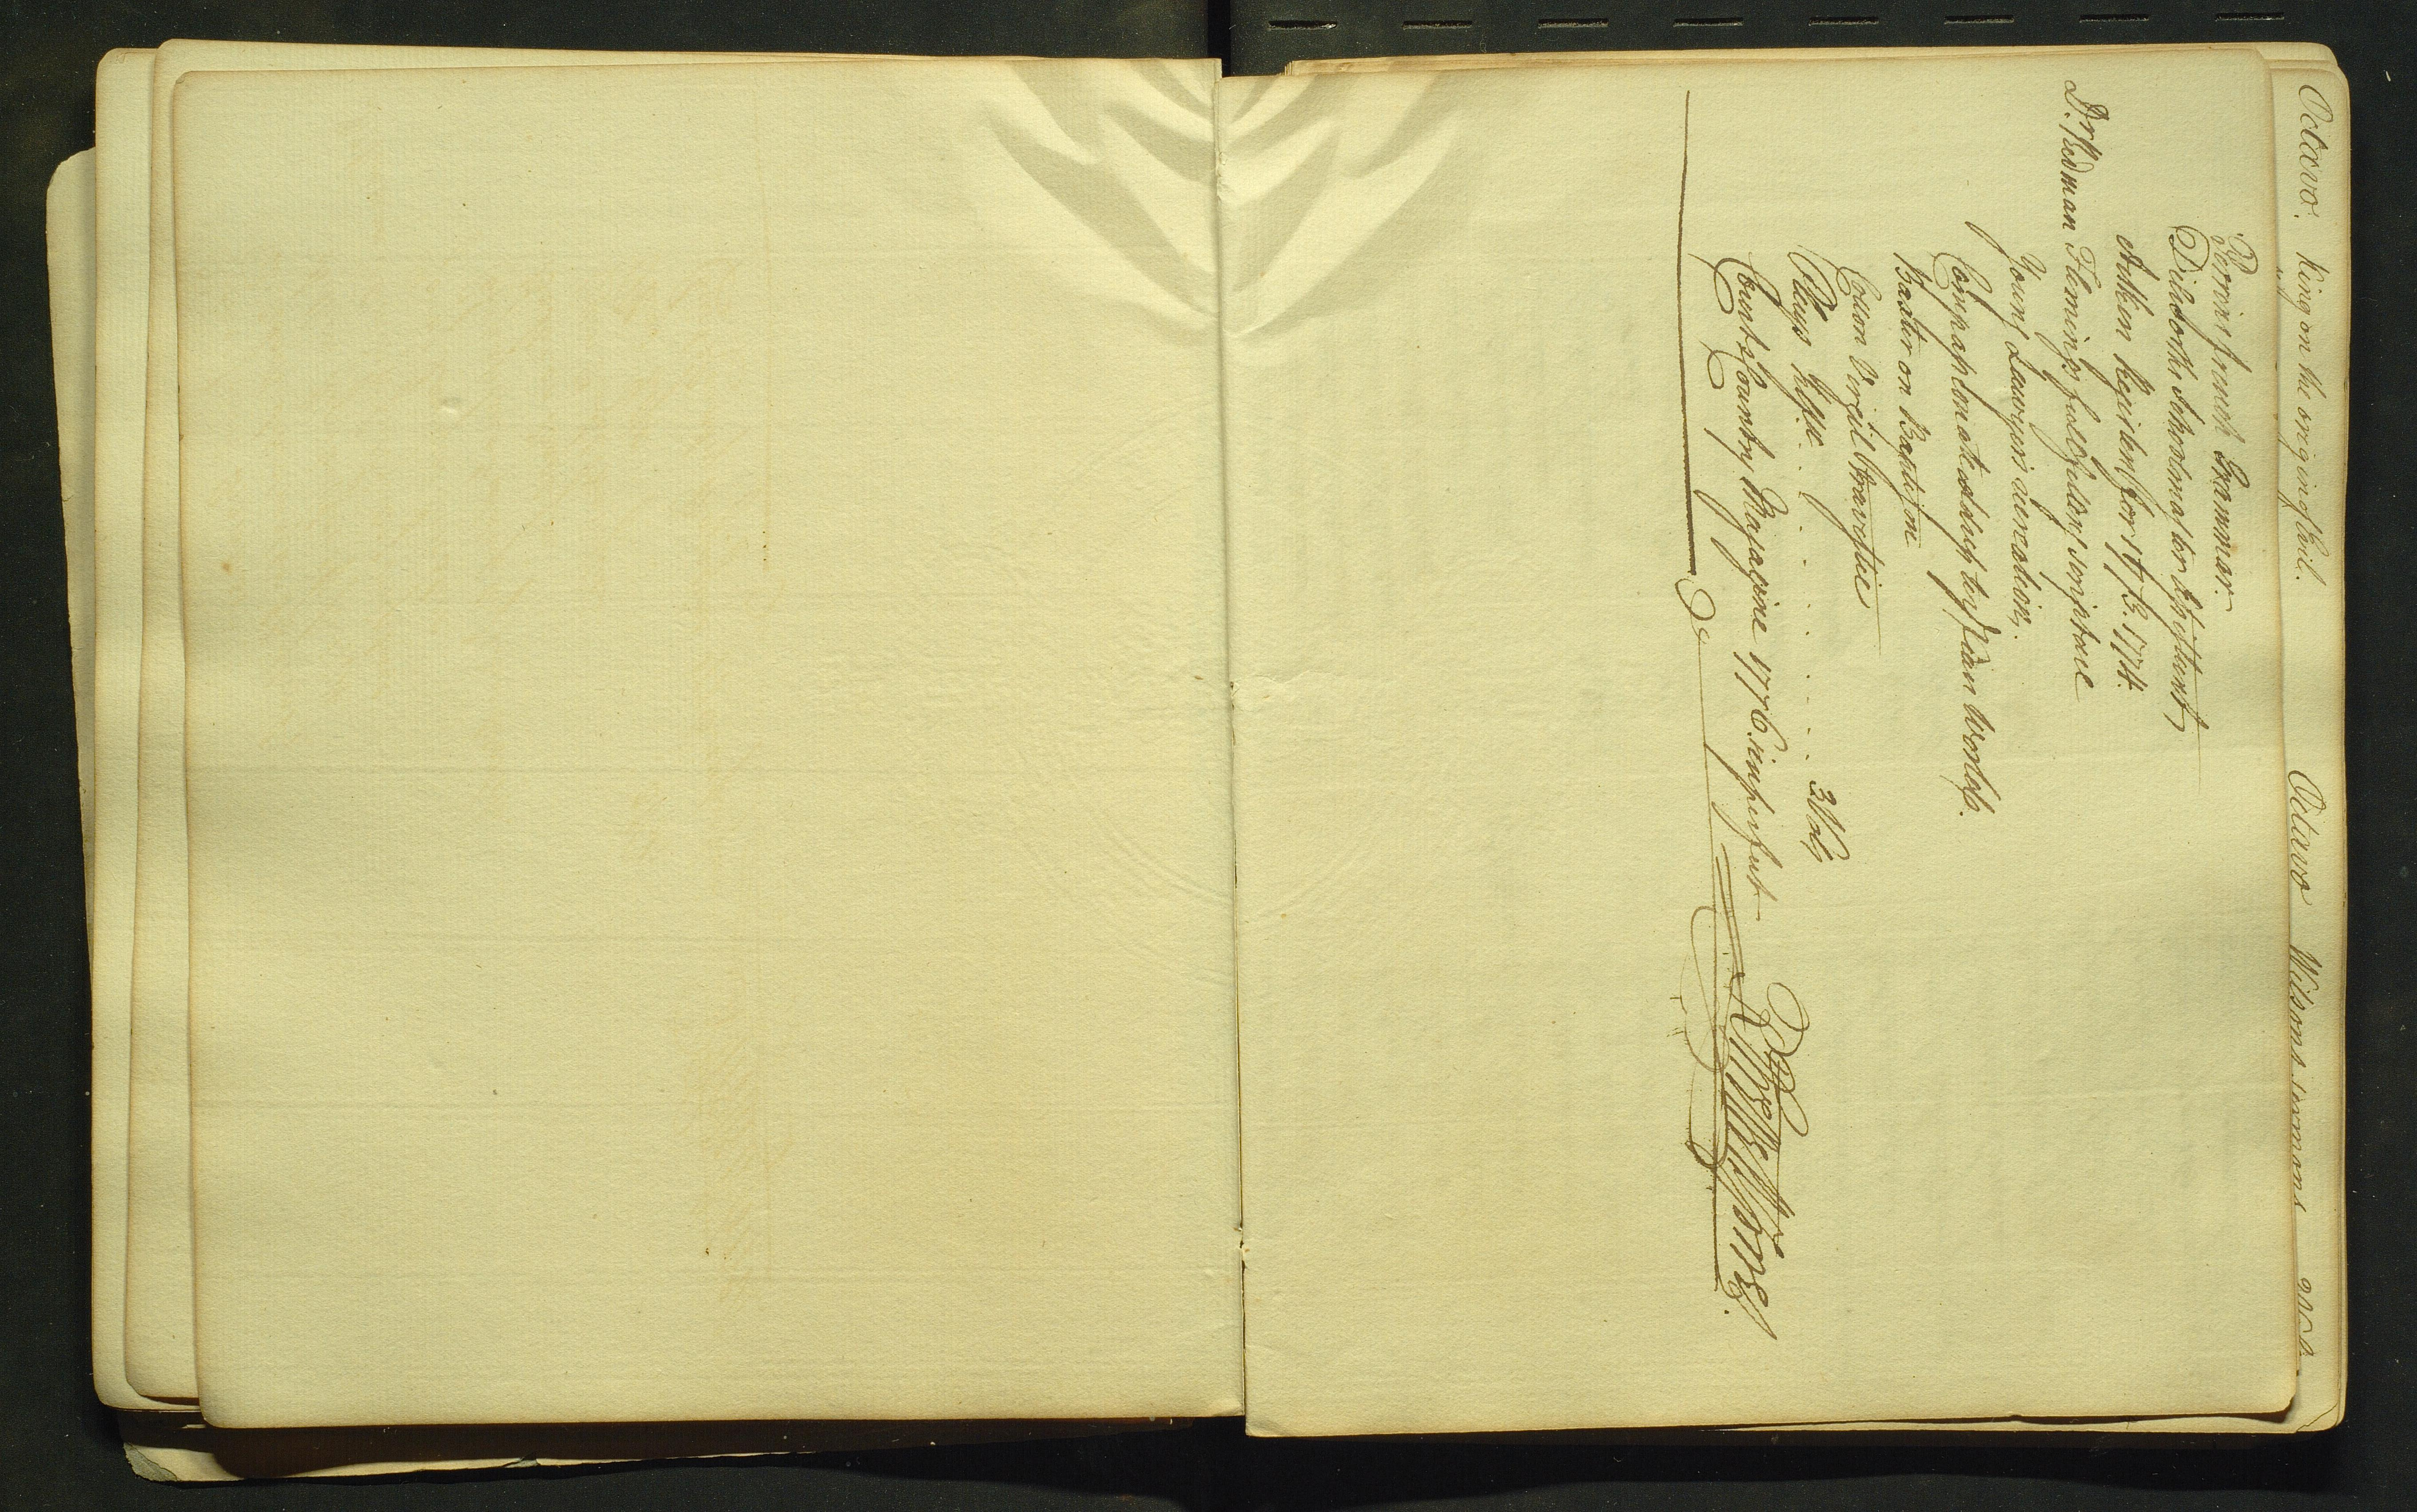Perron's French Grammar.
Dilsworths Schoolmaster Assistants
Aiken Register for 1773. 1774.
D^r. Redman Flemings fullfilling scripture
Young Lawyer's recreation.
Compassionate address for y^e Pious Worlds.
Baxter on Baptism
Cotton Virgil travestie
Plays [____]
3Vols
Courts Country Magazine 1776. imperfect
R Strettel Jones.